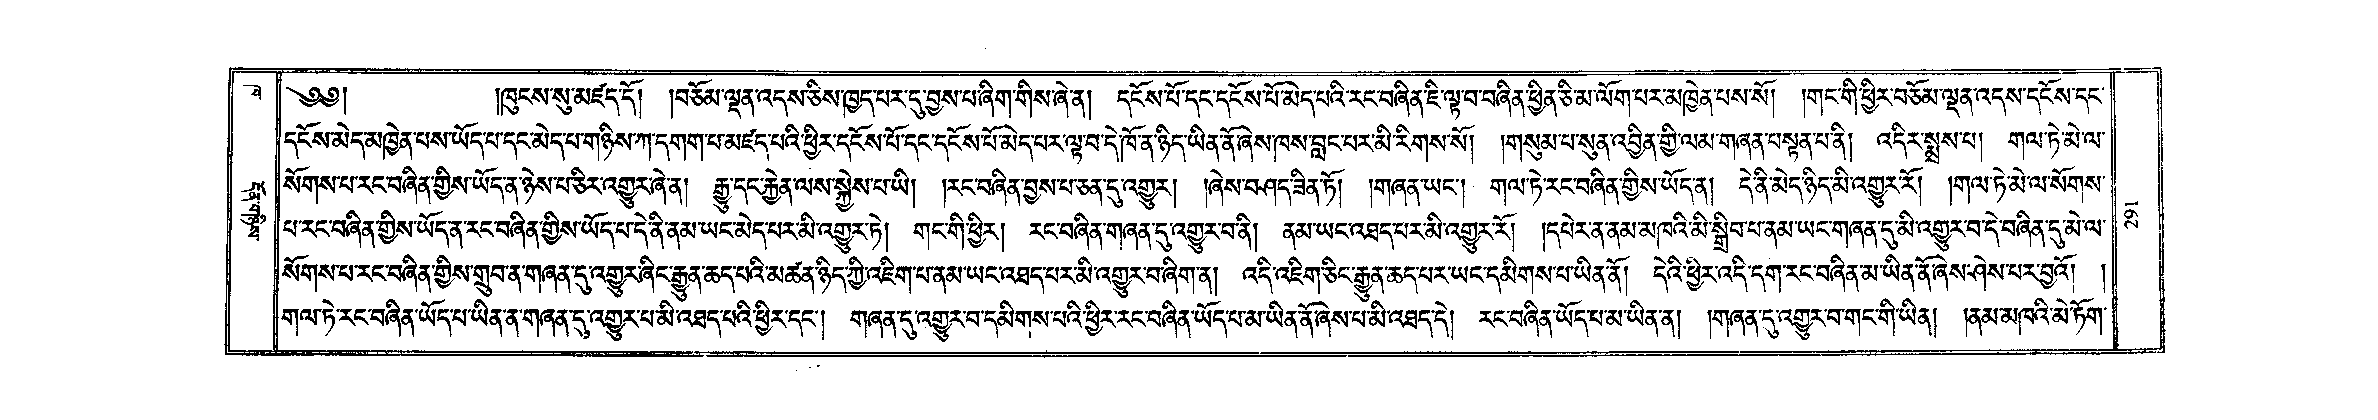༄༅། །ཁུངས་སུ་མཛད་དོ། །བཅོམ་ལྡན་འདས་ཅིས་ཁྱད་པར་དུ་བྱས་པ་ཞིག་གིས་ཞེ་ན། དངོས་པོ་དང་དངོས་པོ་མེད་པའི་རང་བཞིན་ཇི་ལྟ་བ་བཞིན་ཕྱིན་ཅི་མ་ལོག་པར་མཁྱེན་པས་སོ། །གང་གི་ཕྱིར་བཅོམ་ལྡན་འདས་དངོས་དང་
དངོས་མེད་མཁྱེན་པས་ཡོད་པ་དང་མེད་པ་གཉིས་ཀ་དགག་པ་མཛད་པའི་ཕྱིར་དངོས་པོ་དང་དངོས་པོ་མེད་པར་ལྟ་བ་དེ་ཁོ་ན་ཉིད་ཡིན་ནོ་ཞེས་ཁས་བླང་བར་མི་རིགས་སོ། །གསུམ་པ་སུན་འབྱིན་གྱི་ལམ་གཞན་བསྟན་པ་ནི། འདིར་སྨྲས་པ། གལ་ཏེ་མེ་ལ་
སོགས་པ་རང་བཞིན་གྱིས་ཡོད་ན་ཉེས་པ་ཅིར་འགྱུར་ཞེ་ན། རྒྱུ་དང་རྐྱེན་ལས་སྐྱེས་པ་ཡི། །རང་བཞིན་བྱས་པ་ཅན་དུ་འགྱུར། །ཞེས་བཤད་ཟིན་ཏོ། །གཞན་ཡང་། གལ་ཏེ་རང་བཞིན་གྱིས་ཡོད་ན། དེ་ནི་མེད་ཉིད་མི་འགྱུར་རོ། །གལ་ཏེ་མེ་ལ་སོགས་
པ་རང་བཞིན་གྱིས་ཡོད་ན་རང་བཞིན་གྱིས་ཡོད་པ་དེ་ནི་ནམ་ཡང་མེད་པར་མི་འགྱུར་ཏེ། གང་གི་ཕྱིར། རང་བཞིན་གཞན་དུ་འགྱུར་བ་ནི། ནམ་ཡང་འཐད་པར་མི་འགྱུར་རོ། །དཔེར་ན་ནམ་མཁའི་མི་སྒྲིབ་པ་ནམ་ཡང་གཞན་དུ་མི་འགྱུར་བ་དེ་བཞིན་དུ་མེ་ལ་
སོགས་པ་རང་བཞིན་གྱིས་གྲུབ་ན་གཞན་དུ་འགྱུར་ཞིང་རྒྱུན་ཆད་པའི་མཚན་ཉིད་ཀྱི་འཇིག་པ་ནམ་ཡང་འཐད་པར་མི་འགྱུར་བ་ཞིག་ན། འདི་འཇིག་ཅིང་རྒྱུན་ཆད་པར་ཡང་དམིགས་པ་ཡིན་ནོ། དེའི་ཕྱིར་འདི་དག་རང་བཞིན་མ་ཡིན་ནོ་ཞེས་ཤེས་པར་བྱའོ། །
གལ་ཏེ་རང་བཞིན་ཡོད་པ་ཡིན་ན་གཞན་དུ་འགྱུར་པ་མི་འཐད་པའི་ཕྱིར་དང་། གཞན་དུ་འགྱུར་བ་དམིགས་པའི་ཕྱིར་རང་བཞིན་ཡོད་པ་མ་ཡིན་ནོ་ཞེས་པ་མི་འཐད་དེ། རང་བཞིན་ཡོད་པ་མ་ཡིན་ན། །གཞན་དུ་འགྱུར་བ་གང་གི་ཡིན། །ནམ་མཁའི་མེ་ཏོག་